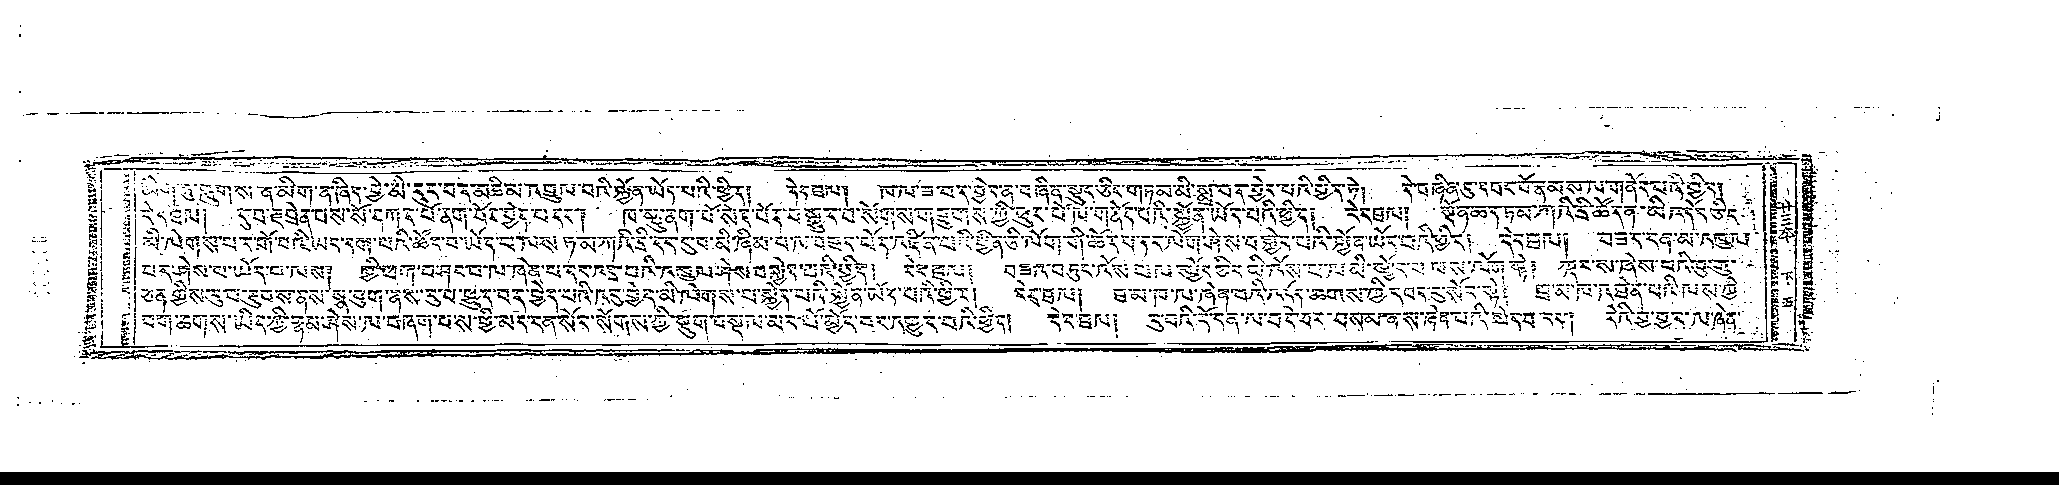མིག་ཏུ་བླུགས་ན་མིག་ན་ཞིང་བྱེ་མེ་རུང་བར་མཆི་མ་འབྲུལ་བའི་སྐྱོན་ཡོད་པའི་ཕྱིར། དེར་ཐལ། ཁ་ལ་ཟ་བར་བྱེད་ན་བཞིན་སྤུང་ཅིང་གཏམ་མི་སྨྲ་བར་བྱེད་པའི་ཕྱིར་ཏེ། དེ་བཞིན་དུ་དབང་བོ་རྣམས་ལ་གནོད་པའི་ཕྱིར།
དེར་ཐལ། དུ་བ་འཐེན་བས་སོ་དཀར་པོ་ནག་པོར་བྱེད་པ་དང་། །བསྡུ་ནག་པོ་སེར་པོར་བསྒྱུར་བ་སོགས་གཟུགས་ཀྱི་ཕུང་པོ་ལ་གནོད་བའི་སྐྱོན་ཡོད་པའི་ཕྱིར། དེར་ཐལ། །སྔོན་ཆད་ཏ་མ་ཀའི་དྲི་ཚོད་ན་མི་འདོད་ཅིང་
མི་ལེགས་བར་གོ་བའི་ཡང་དག་པའི་ཚོད་བ་ཡོད་པ་ལས་ཏ་མ་ཀའི་དྲི་དང་དུ་བ་མི་ཞིམ་པ་ལ་བཟང་པོར་འཛིན་པའི་བྱིན་ཅི་ལོག་གི་ཚེར་བ་དང་ལོག་ཤེས་བསྐྱེད་པའི་སྐྱོན་ཡོད་པའི་ཕྱིར། དེར་ཐལ། བཟང་ངན་མ་འཁྲུལ་
བར་ཤེས་བ་ཡོད་པ་ལས། ཀྱི་ཕག་བཤད་བ་ལ་ཞེན་པ་དང་འདྲ་བའི་འཁྲུལ་ཤེས་བསྒྱེད་པའི་ཕྱིར། དེར་ཐལ། བཟའ་བཏུང་ཞོས་པ་ལས་བྱོད་ཅིང་མི་འོས་བ་ལ་མི་སྤྱོད་པ་ལས་ལོག་སྟེ། ཀཱང་ས་ཞེས་བའི་བུ་གུ་
ཅན་གྱིས་དུ་བ་རྡུབས་ནས་སྣ་བུག་ནས་རུ་བ་ཕྱུད་པར་བྱེད་པའི་འདུ་བྱེད་མི་ལེགས་པ་སྐྱེད་པའི་སྐྱོན་ཡོད་པའི་ཕྱིར། དེར་ཐལ། ཐ་མ་ཁ་ལ་ཞེན་བའི་འདོད་ཆགས་ཀྱི་དབང་དུ་སོང་སྟེ། ཐ་མ་ཁ་འཐེན་པའི་ལས་ཀྱི་
བག་ཆགས་མིང་ཀྱི་རྣམ་ཤེས་ལ་བཞག་བས་ཕྱི་མར་ངན་སོང་སོགས་ཀྱི་སྡུག་བསྔལ་མང་པོ་མྱོང་བར་འགྱུར་བའི་ཕྱིར། དེར་ཐལ། དུ་བའི་དོ་དན་ལ་བ་དི་བར་བསན་ནས་ཞེན་བའི་མེད་པ་དང་། དེའི་བྱ་བྱང་ལ་ཞེན་